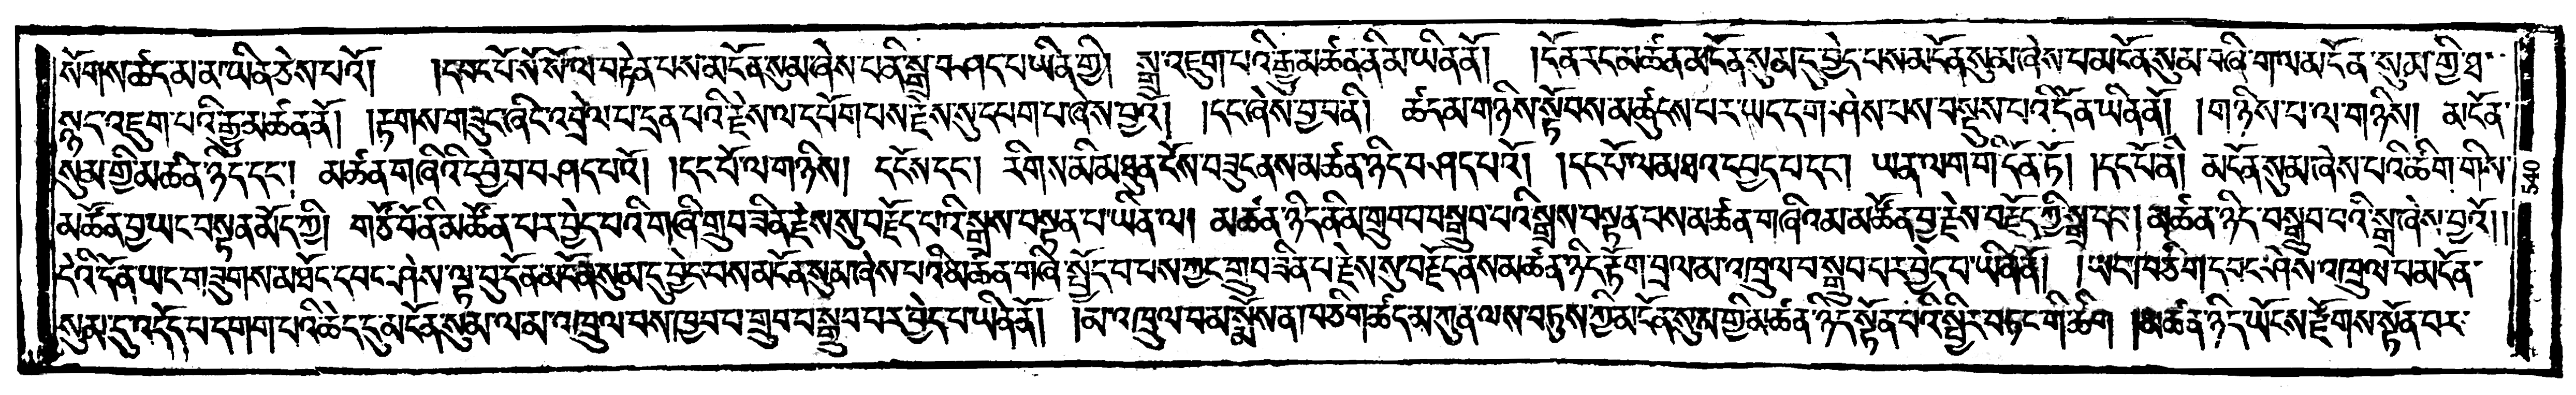སོགས་ཚད་མ་མ་ཡིན་ཅེས་པའོ། །དབང་པོ་སོ་སོ་ལ་བརྟེན་པས་མངོན་སུམ་ཞེས་པ་ནི་སྒྲ་བཤད་པ་ཡིན་གྱི། སྒྲ་འཇུག་པའི་རྒྱུ་མཚན་ནི་མ་ཡིན་ནོ། །དོན་རང་མཚན་མངོན་སུམ་དུ་བྱེད་པས་མངོན་སུམ་ཞེས་པ་མངོན་སུམ་བཞི་གལ་མངོན་སུམ་གྱི་ཐ་
སྙད་འཇུག་པའི་རྒྱུ་མཚན་ནོ། །རྟགས་གཟུང་ཞིང་འབྲེལ་བ་དྲན་པའི་རྗེས་ལ་དཔོག་པས་རྗེས་སུ་དཔག་པ་ཞེས་བྱའོ། །དང་ཞེས་བྱ་བ་ནི། ཚད་མ་གཉིས་སྟོབས་མཚུངས་པར་ཡང་དག་ཤེས་པས་བསྡུས་པའི་དོན་ཡིན་ནོ། །གཉིས་པ་ལ་གཉིས། མངོན་
སུམ་གྱི་མཚན་ཉིད་དང་། མཚན་གཞིའི་དབྱེ་བ་བཤད་པའོ། །དང་པོ་ལ་གཉིས། དངོས་དང་། རིགས་མི་མཐུན་ངོས་བཟུང་ནས་མཚན་ཉིད་བཤད་པའོ། །དང་པོ་ལ་མཐའ་དཔྱད་པ་དང་། ཡན་ལག་གི་དོན་ཏོ། །དང་པོ་ནི། མངོན་སུམ་ཞེས་པའི་ཚིག་གིས་
མཚོན་བྱ་ཡང་བསྟན་མོད་ཀྱི། གཙོ་བོ་ནི་མཚོན་པར་བྱེད་པའི་གཞི་གྲུབ་ཟིན་རྗེས་སུ་བརྗོད་པའི་སྒྲས་བསྟན་པ་ཡིན་ལ། མཚན་ཉིད་ནི་མ་གྲུབ་པ་བསྒྲུབ་པའི་སྒྲས་བསྟན་པས་མཚན་གཞིའམ་མཚོན་བྱ་རྗེས་བརྗོད་ཀྱི་སྒྲ་དང་། མཚན་ཉིད་བསྒྲུབ་བའི་སྒྲ་ཞེས་བྱའོ། །
དེའི་དོན་ཡང་གཟུགས་མཐོང་དབང་ཤེས་ལྟ་བུ་དོན་མངོན་སུམ་དུ་བྱེད་པས་མངོན་སུམ་ཞེས་པའི་མཚན་གཞི་སྤྱོད་པ་པས་ཀྱང་གྲུབ་ཟིན་པ་རྗེས་སུ་བརྗོད་ནས་མཚན་ཉིད་རྟོག་བྲལ་མ་འཁྲུལ་བ་སྒྲུབ་པར་བྱེད་པ་ཡིན་ནོ། །ཡང་ཁ་ཅིག་དབང་ཤེས་འཁྲུལ་པ་མངོན་
སུམ་དུ་འདོད་པ་དགག་པའི་ཆེད་དུ་མངོན་སུམ་ལ་མ་འཁྲུལ་བས་ཁྱབ་པ་གྲུབ་པ་སྒྲུབ་པར་བྱེད་པ་ཡིན་ནོ། །མ་འཁྲུལ་བ་མ་སྨོས་ན་ཁ་ཅིག་ཚད་མ་ཀུན་ལས་བཏུས་ཀྱི་མངོན་སུམ་གྱི་མཚན་ཉིད་སྟོན་པའི་སྦྱིར་བཏང་གི་ཚིག །མཚན་ཉིད་ཡོངས་རྫོགས་སྟོན་བར་